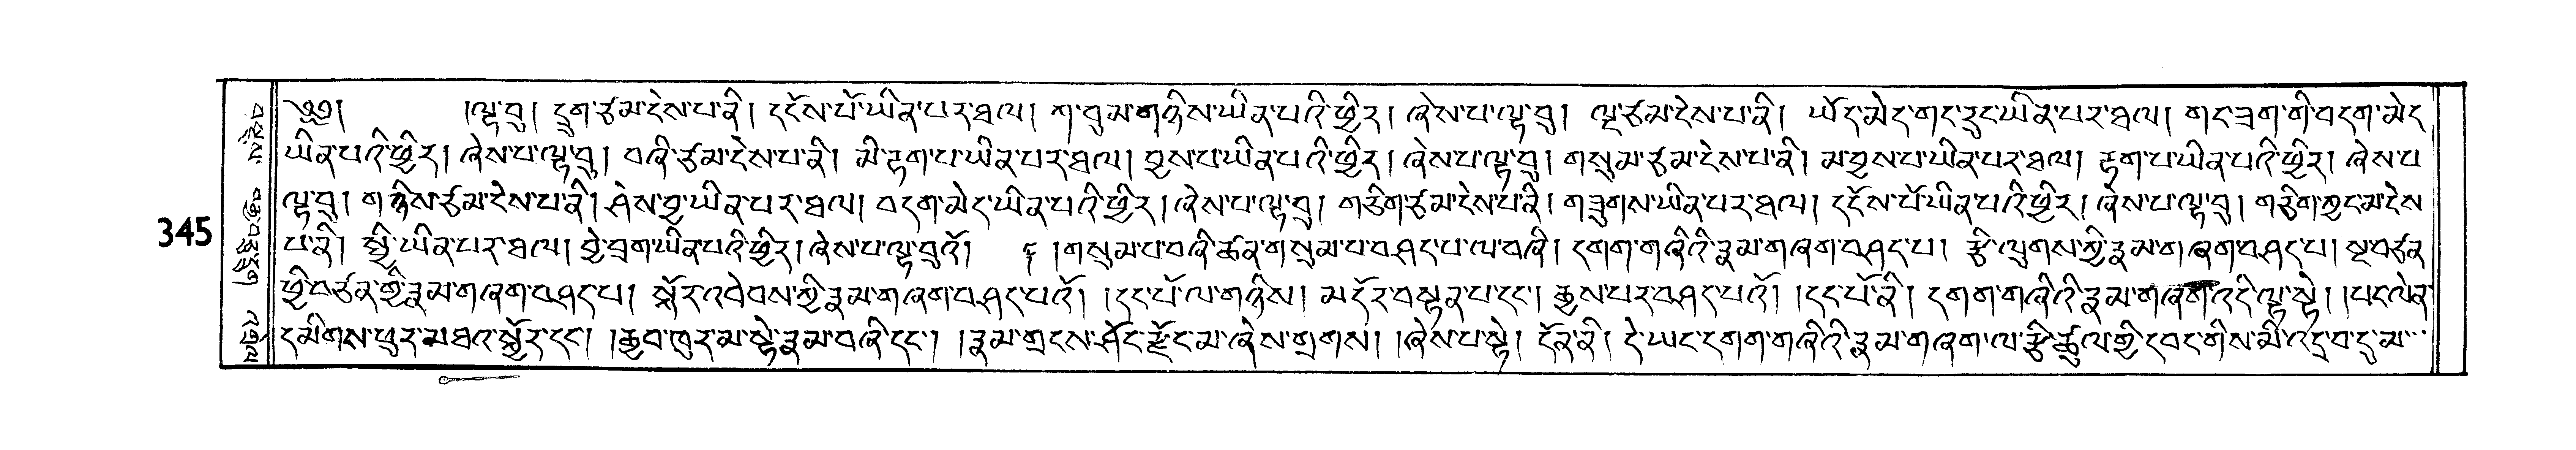༄༅། །ལྟ་བུ། དྲུག་ཙམ་ངེས་པ་ནི། དངོས་པོ་ཡིན་པར་ཐལ། ཀ་བུམ་གཉིས་ཡིན་པའི་ཕྱིར། ཞེས་པ་ལྟ་བུ། ལྔ་ཙམ་ངེས་པ་ནི། ཡོད་མེད་གང་རུང་ཡིན་པར་ཐལ། གང་ཟག་གི་བདག་མེད་
ཡིན་པའི་ཕྱིར། ཞེས་པ་ལྟ་བུ། བཞི་ཙམ་ངེས་པ་ནི། མི་རྟག་པ་ཡིན་པར་ཐལ། བྱས་པ་ཡིན་པའི་ཕྱིར། ཞེས་པ་ལྟ་བུ། གསུམ་ཙམ་ངེས་པ་ནི། མ་བྱས་པ་ཡིན་པར་ཐལ། རྟག་པ་ཡིན་པའི་ཕྱིར། ཞེས་པ་
ལྟ་བུ། གཉིས་ཙམ་ངེས་པ་ནི། ཤེས་བྱ་ཡིན་པར་ཐལ། བདག་མེད་ཡིན་པའི་ཕྱིར། ཞེས་པ་ལྟ་བུ། གཅིག་ཙམ་ངེས་པ་ནི། གཟུགས་ཡིན་པར་ཐལ། དངོས་པོ་ཡིན་པའི་ཕྱིར། ཞེས་པ་ལྟ་བུ། གཅིག་ཀྱང་མ་ངེས་
པ་ནི། སྤྱི་ཡིན་པར་ཐལ། བྱེ་བྲག་ཡིན་པའི་ཕྱིར། ཞེས་པ་ལྟ་བུའོ། ༈ །གསུམ་པ་བཞི་ཚན་གསུམ་པ་བཤད་པ་ལ་བཞི། དགག་གཞིའི་རྣམ་གཞག་བཤད་པ། རྩི་ལུགས་ཀྱི་རྣམ་གཞག་བཤད་པ། སྔ་བཙན་
ཕྱི་བཙན་གྱི་རྣམ་གཞག་བཤད་པ། སྐོར་འབེབས་ཀྱི་རྣམ་གཞག་བཤད་པའོ། །དང་པོ་ལ་གཉིས། མདོར་བསྟན་པ་དང་། རྒྱས་པར་བཤད་པའོ། །དང་པོ་ནི། དགག་གཞིའི་རྣམ་གཞག་འདི་ལྟ་སྟེ། །པང་ལེན་
དམིགས་ཕུར་མཐའ་སྐྱོར་དང་། །རྒྱབ་ཁུར་མ་སྟེ་རྣམ་བཞི་དང་། །རྣམ་གྲངས་ཤོང་རྫོང་མ་ཞེས་གྲགས། །ཞེས་པ་སྟེ། དོན་ནི། དེ་ཡང་དགག་གཞིའི་རྣམ་གཞག་ལ་རྩི་ཚུལ་གྱི་དབང་གིས་མི་འདྲ་བ་དུ་མ་